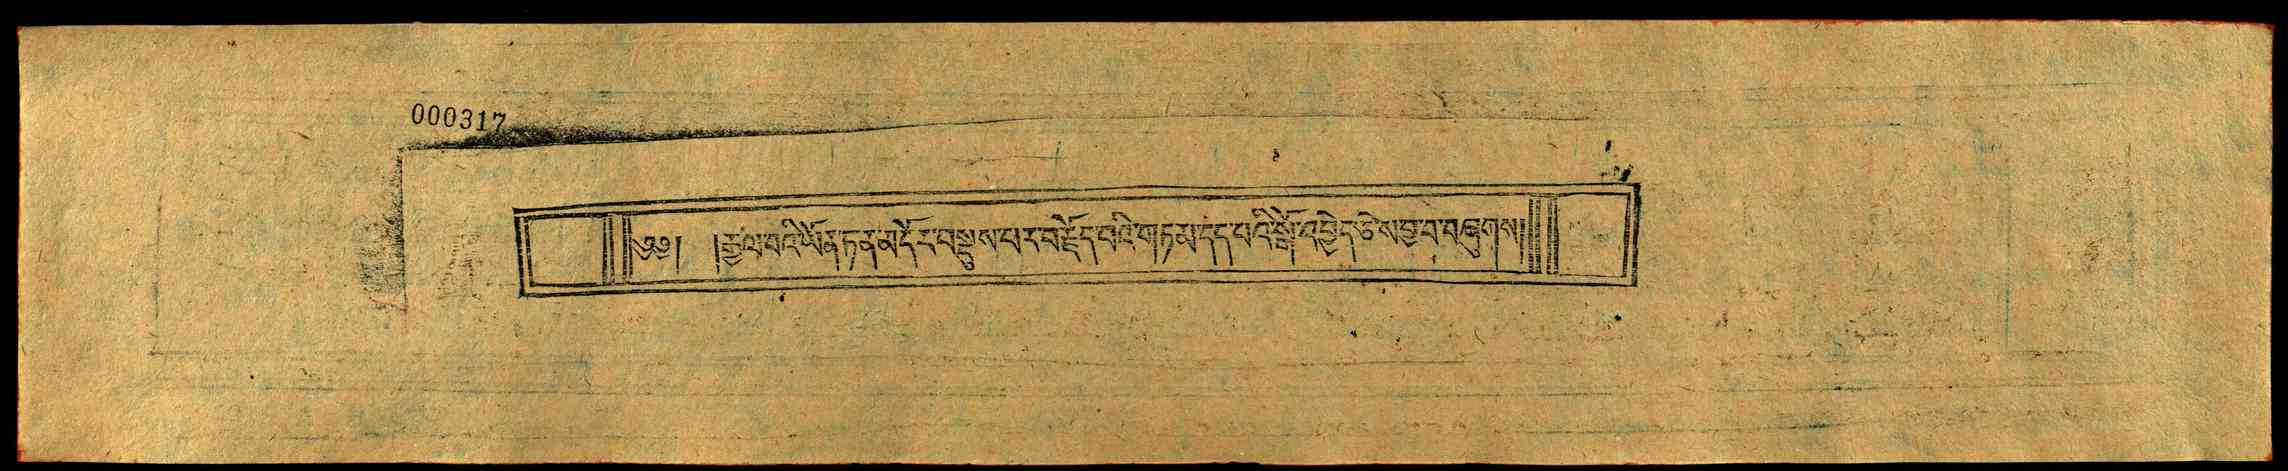༄༅། །རྒྱལ་བའི་ཡོན་ཏན་མདོར་བསྡུས་པར་བརྗོད་པའི་གཏམ་དད་པའི་སྒོ་འབྱེད་ཅེས་བྱ་བ་བཞུགས།